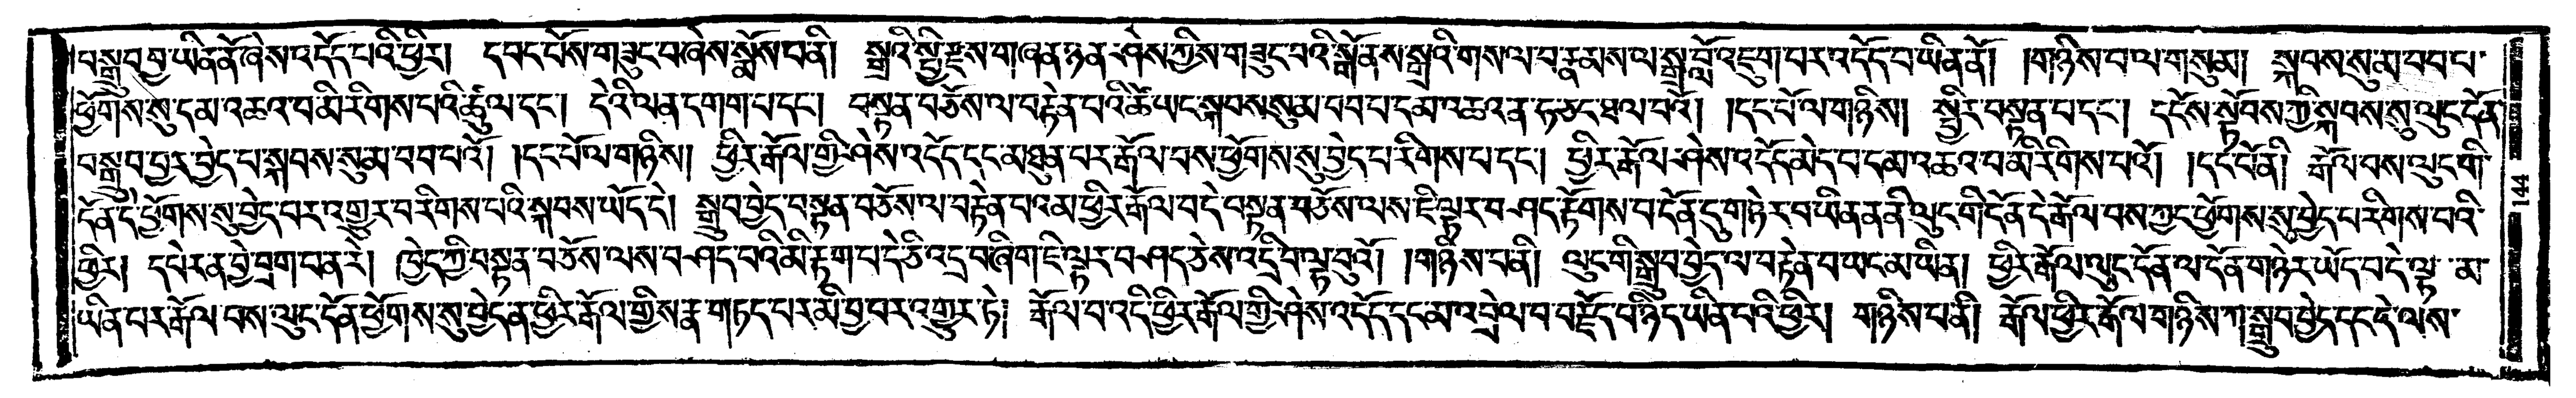བསྒྲུབ་བྱ་ཡིན་ནོ་ཞེས་འདོད་པའི་ཕྱིར། དབང་པོས་གཟུང་བ་ཞེས་སྨོས་པ་ནི། སྒྲའི་སྤྱི་རྫས་གཞན་ཉན་ཤེས་ཀྱིས་གཟུང་བའི་སྒོ་ནས་སྒྲའི་གསལ་བ་རྣམས་ལ་སྒྲ་བློ་འཇུག་པར་འདོད་པ་ཡིན་ནོ། །གཉིས་པ་ལ་གསུམ། སྐབས་སུ་མ་བབ་པ་
ཕྱོགས་སུ་དམ་འཆའ་བ་མི་རིགས་པའི་ཚུལ་དང་། དེའི་ལན་དགག་པ་དང་། བསྟན་བཅོས་ལ་བརྟེན་པའི་ཚེ་ཡང་སྐབས་སུ་མ་བབ་པ་དམ་འཆའ་ན་ཧ་ཅང་ཐལ་བའོ། །དང་པོ་ལ་གཉིས། སྤྱིར་བསྟན་པ་དང་། དངོས་སྟོབས་ཀྱི་སྐབས་སུ་ལུང་དོན་
བསྒྲུབ་བྱར་བྱེད་པ་སྐབས་སུ་མ་བབ་པའོ། །དང་པོ་ལ་གཉིས། ཕྱིར་རྒོལ་གྱི་ཤེས་འདོད་དང་མཐུན་པར་རྒོལ་པས་ཕྱོགས་སུ་བྱེད་པ་རིགས་པ་དང་། ཕྱིར་རྒོལ་ཤེས་འདོད་མེད་པ་དམ་འཆའ་བ་མི་རིགས་པའོ། །དང་པོ་ནི། རྒོལ་བས་ལུང་གི་
དོན་དེ་ཕྱོགས་སུ་བྱེད་པར་འགྱུར་བ་རིགས་པའི་སྐབས་ཡོད་དེ། སྒྲུབ་བྱེད་བསྟན་བཅོས་ལ་བརྟེན་པའམ་ཕྱིར་རྒོལ་པ་དེ་བསྟན་བཅོས་ལས་ཇི་ལྟར་བཤད་རྟོགས་པ་དོན་དུ་གཉེར་བ་ཡིན་ན་ནི་ལུང་གི་དོན་དེ་རྒོལ་བས་ཀྱང་ཕྱོགས་སུ་བྱེད་པ་རིགས་པའི་
ཕྱིར། དཔེར་ན་བྱེ་བྲག་པ་ན་རེ། ཁྱེད་ཀྱི་བསྟན་བཅོས་ལས་བཤད་པའི་མི་རྟག་པ་དེ་ཅི་འདྲ་བ་ཞིག་ཇི་ལྟར་བཤད་ཅེས་འདྲི་བ་ལྟ་བུའོ། །གཉིས་པ་ནི། ལུང་གི་སྒྲུབ་བྱེད་ལ་བརྟེན་པ་ཡང་མ་ཡིན། ཕྱིར་རྒོལ་ལུང་དོན་ལ་དོན་གཉེར་ཡོད་པ་དེ་ལྟ་མ་
ཡིན་པར་རྒོལ་བས་ལུང་དོན་ཕྱོགས་སུ་བྱེད་ན་ཕྱིར་རྒོལ་གྱིས་རྣ་གཏད་པར་མི་བྱ་བར་འགྱུར་ཏེ། རྒོལ་བ་འདི་ཕྱིར་རྒོལ་གྱི་ཤེས་འདོད་དང་མ་འབྲེལ་བ་བརྗོད་པ་ཉིད་ཡིན་པའི་ཕྱིར། གཉིས་པ་ནི། རྒོལ་ཕྱིར་རྒོལ་གཉིས་ཀ་སྒྲུབ་བྱེད་དང་དེ་ལས་